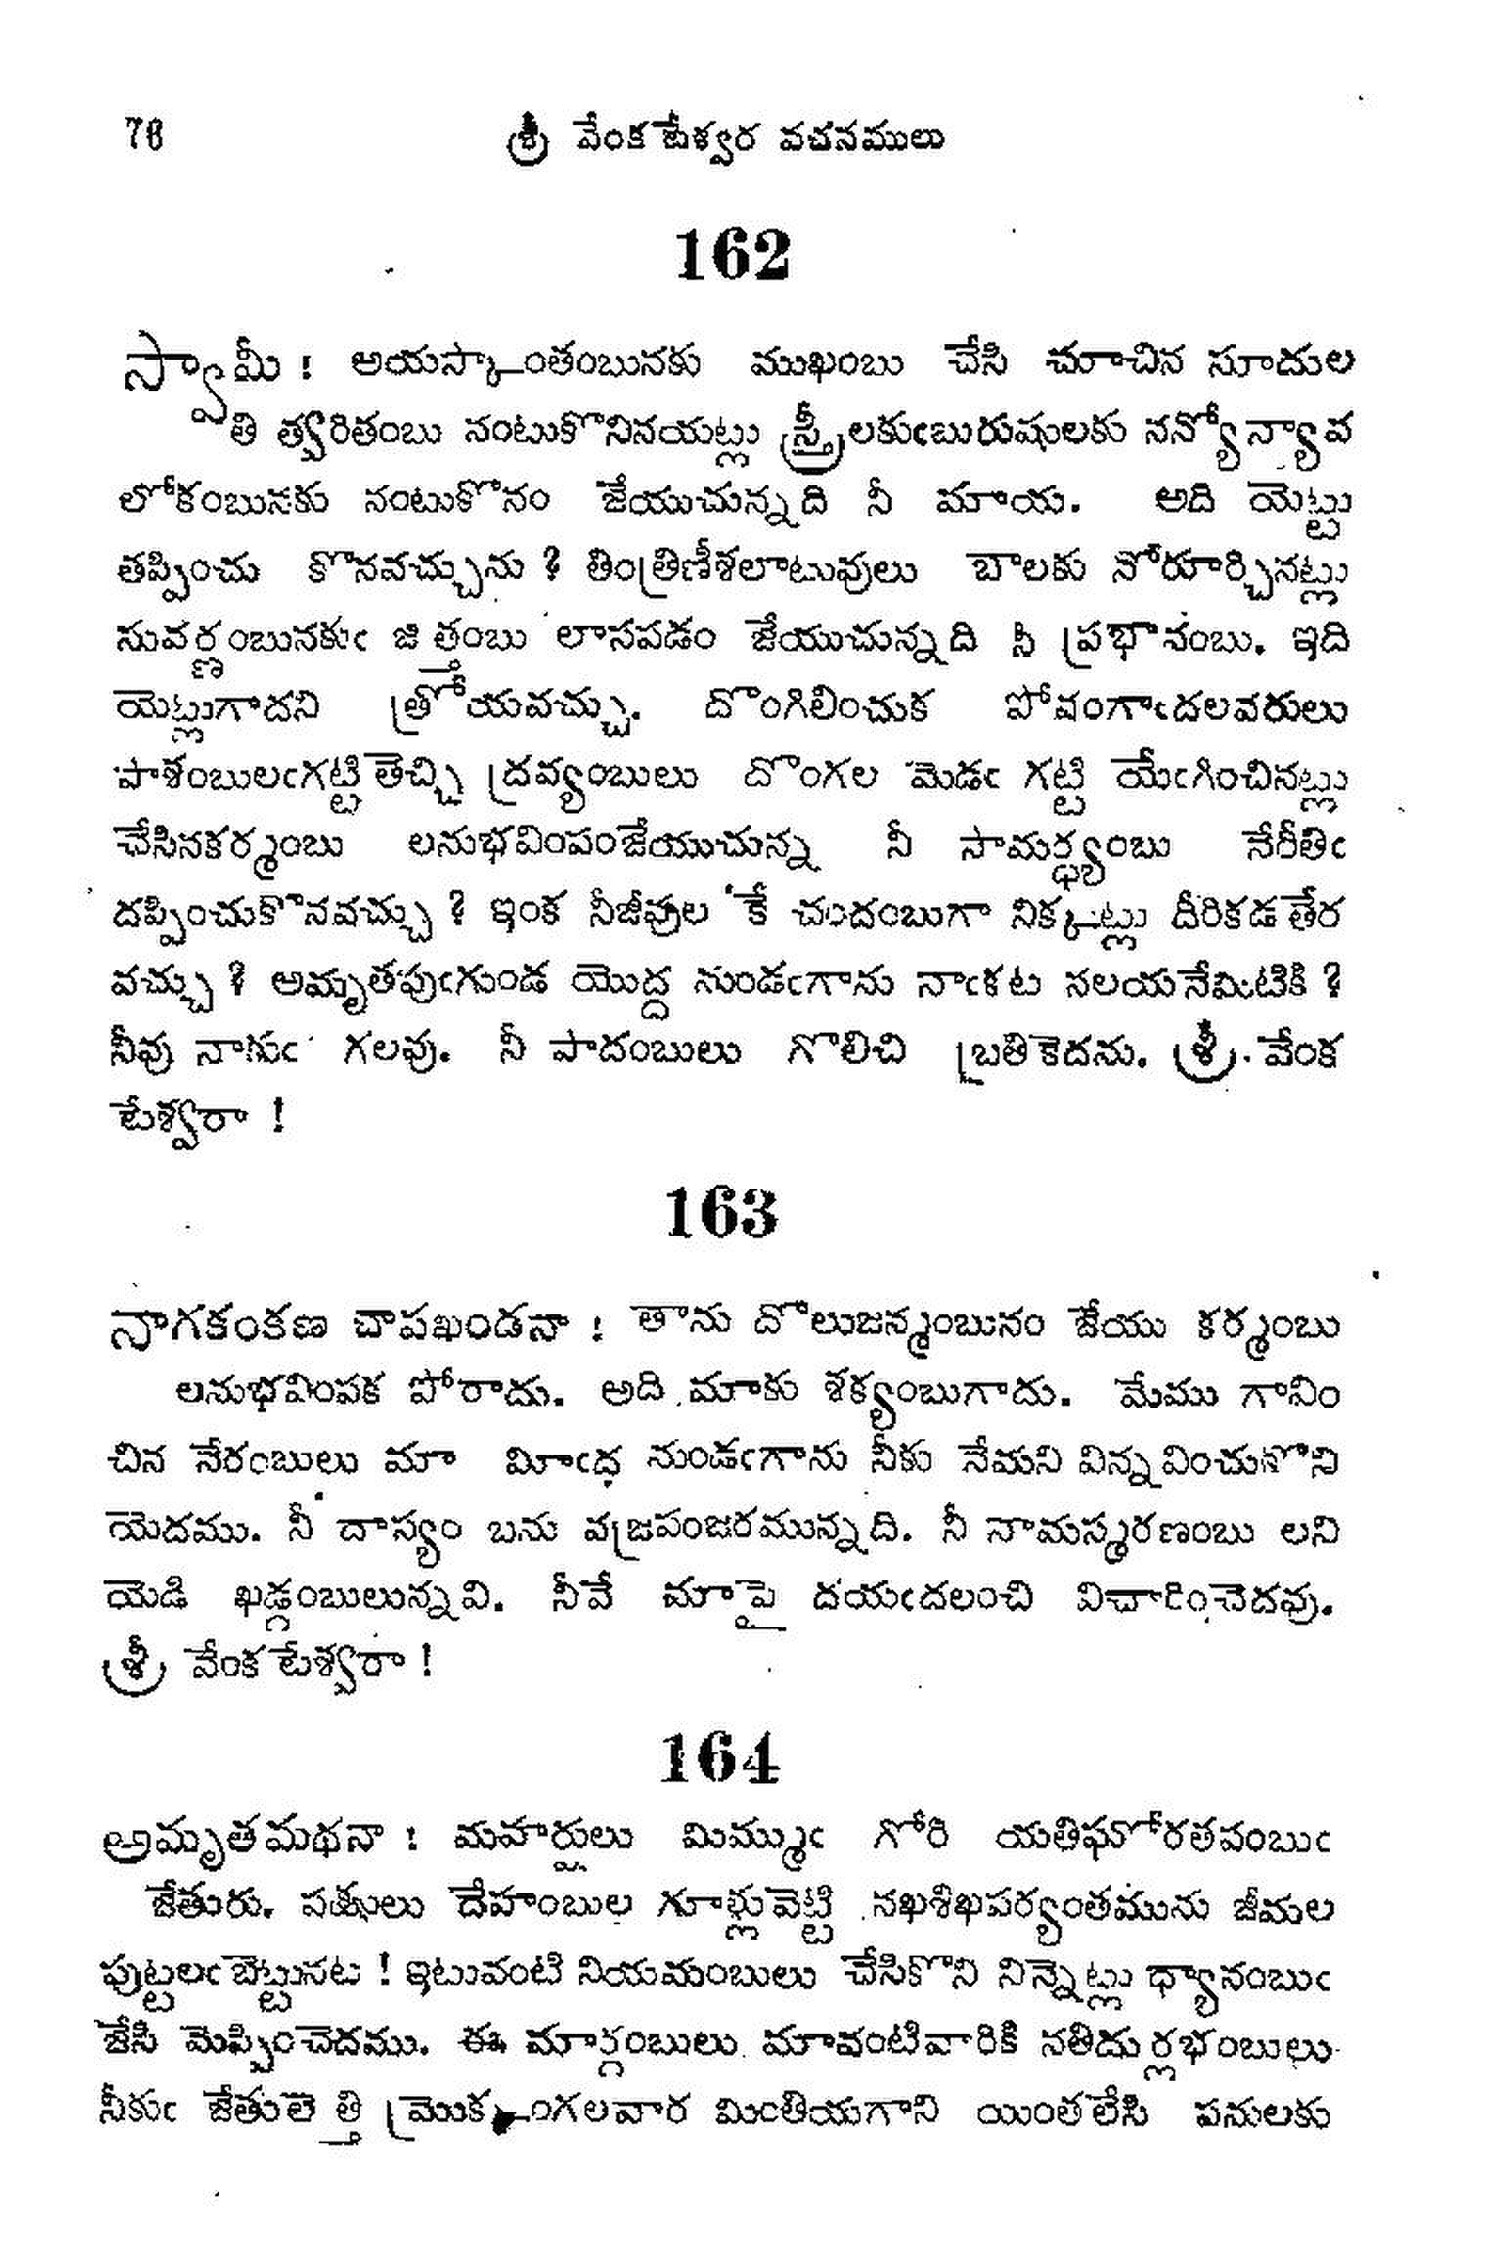162 

 ! అయస్కాంతంబునకు ముఖంబు చేసి చూచిన సూదులతి త్వరితంబు నంటుకొనినయట్లు స్త్రీలకుఁబురుషులకు నన్యోన్యావ లోకంబునకు నంటుకోనం 'జేయుచున్నది నీ మాయ. అది యెట్టు తప్పించు కొనవచ్చును ? తింత్రిణీశలాటువులు బాలకు నోరూర్చినట్లు సువర్ణంబునకుఁ జిత్తంబు లాసపడం జేయుచున్నది నీ ప్రభావంబు. ఇది
యెట్లుగాదని త్రోయవచ్చు. దొంగిలించుక పోవంగాఁ దలవరులు 'పాశంబులఁగట్టి తెచ్చి ద్రవ్యంబులు దొంగల 'మెడఁ గట్టి యేఁగించినట్లు చేసినకర్మంబు లనుభవింపంజేయుచున్న నీ సామర్ధ్యంబు నేరీతిఁ దప్పించుకొనవచ్చు ? ఇంక నీజీవుల కే చందంబుగా నిక్కట్లు దీరికడతేర వచ్చు ? అమృతపుఁగుండ యొద్ద నుండఁగాను నాఁకట నలయ నేమిటికి ? నీవు నాకుఁ గలవు. నీ పాదంబులు గొలిచి బ్రతికెదను. శ్రీ వేంకబేశ్వరా !

163

 ! తాను దొలుజన్మంబునం జేయు కర్మంబులనుభవింపక పోరాదు. అది మాకు శక్యంబుగాదు. మేము గావిం చిన నేరఁబులు మా మీఁద నుండఁగాను నీకు నేమని విన్నవించుకొని యెదము. నీ దాస్యం బను వజ్రపంజరమున్నది. నీ నామస్మరణంబు లని యెడి ఖడ్గంబులున్నవి. నీవే మాపై దయఁదలంచి విచారించెదవు. శ్రీ వేంక టేశ్వరా !

164 

! మహార్హులు మిమ్ముఁ గోరి యతిఘోరతపంబుఁజేతురు. పశులు దేహంబుల గూళ్లు పెట్టి , నఖశిఖపర్యంతమును జీమల పుట్టలఁ బెట్టు నట ! ఇటువంటి నియమంబులు చేసికొని నిన్నెట్లు ధ్యానంబుఁ జేసి మెప్పించెదము. ఈ మార్గంబులు. మావంటివారికి నతిదుర్లభంబులు నీకుఁ జేతులెత్తి మ్రోక్కం గలవార మింతియగాని యింత లేసి పనులకు